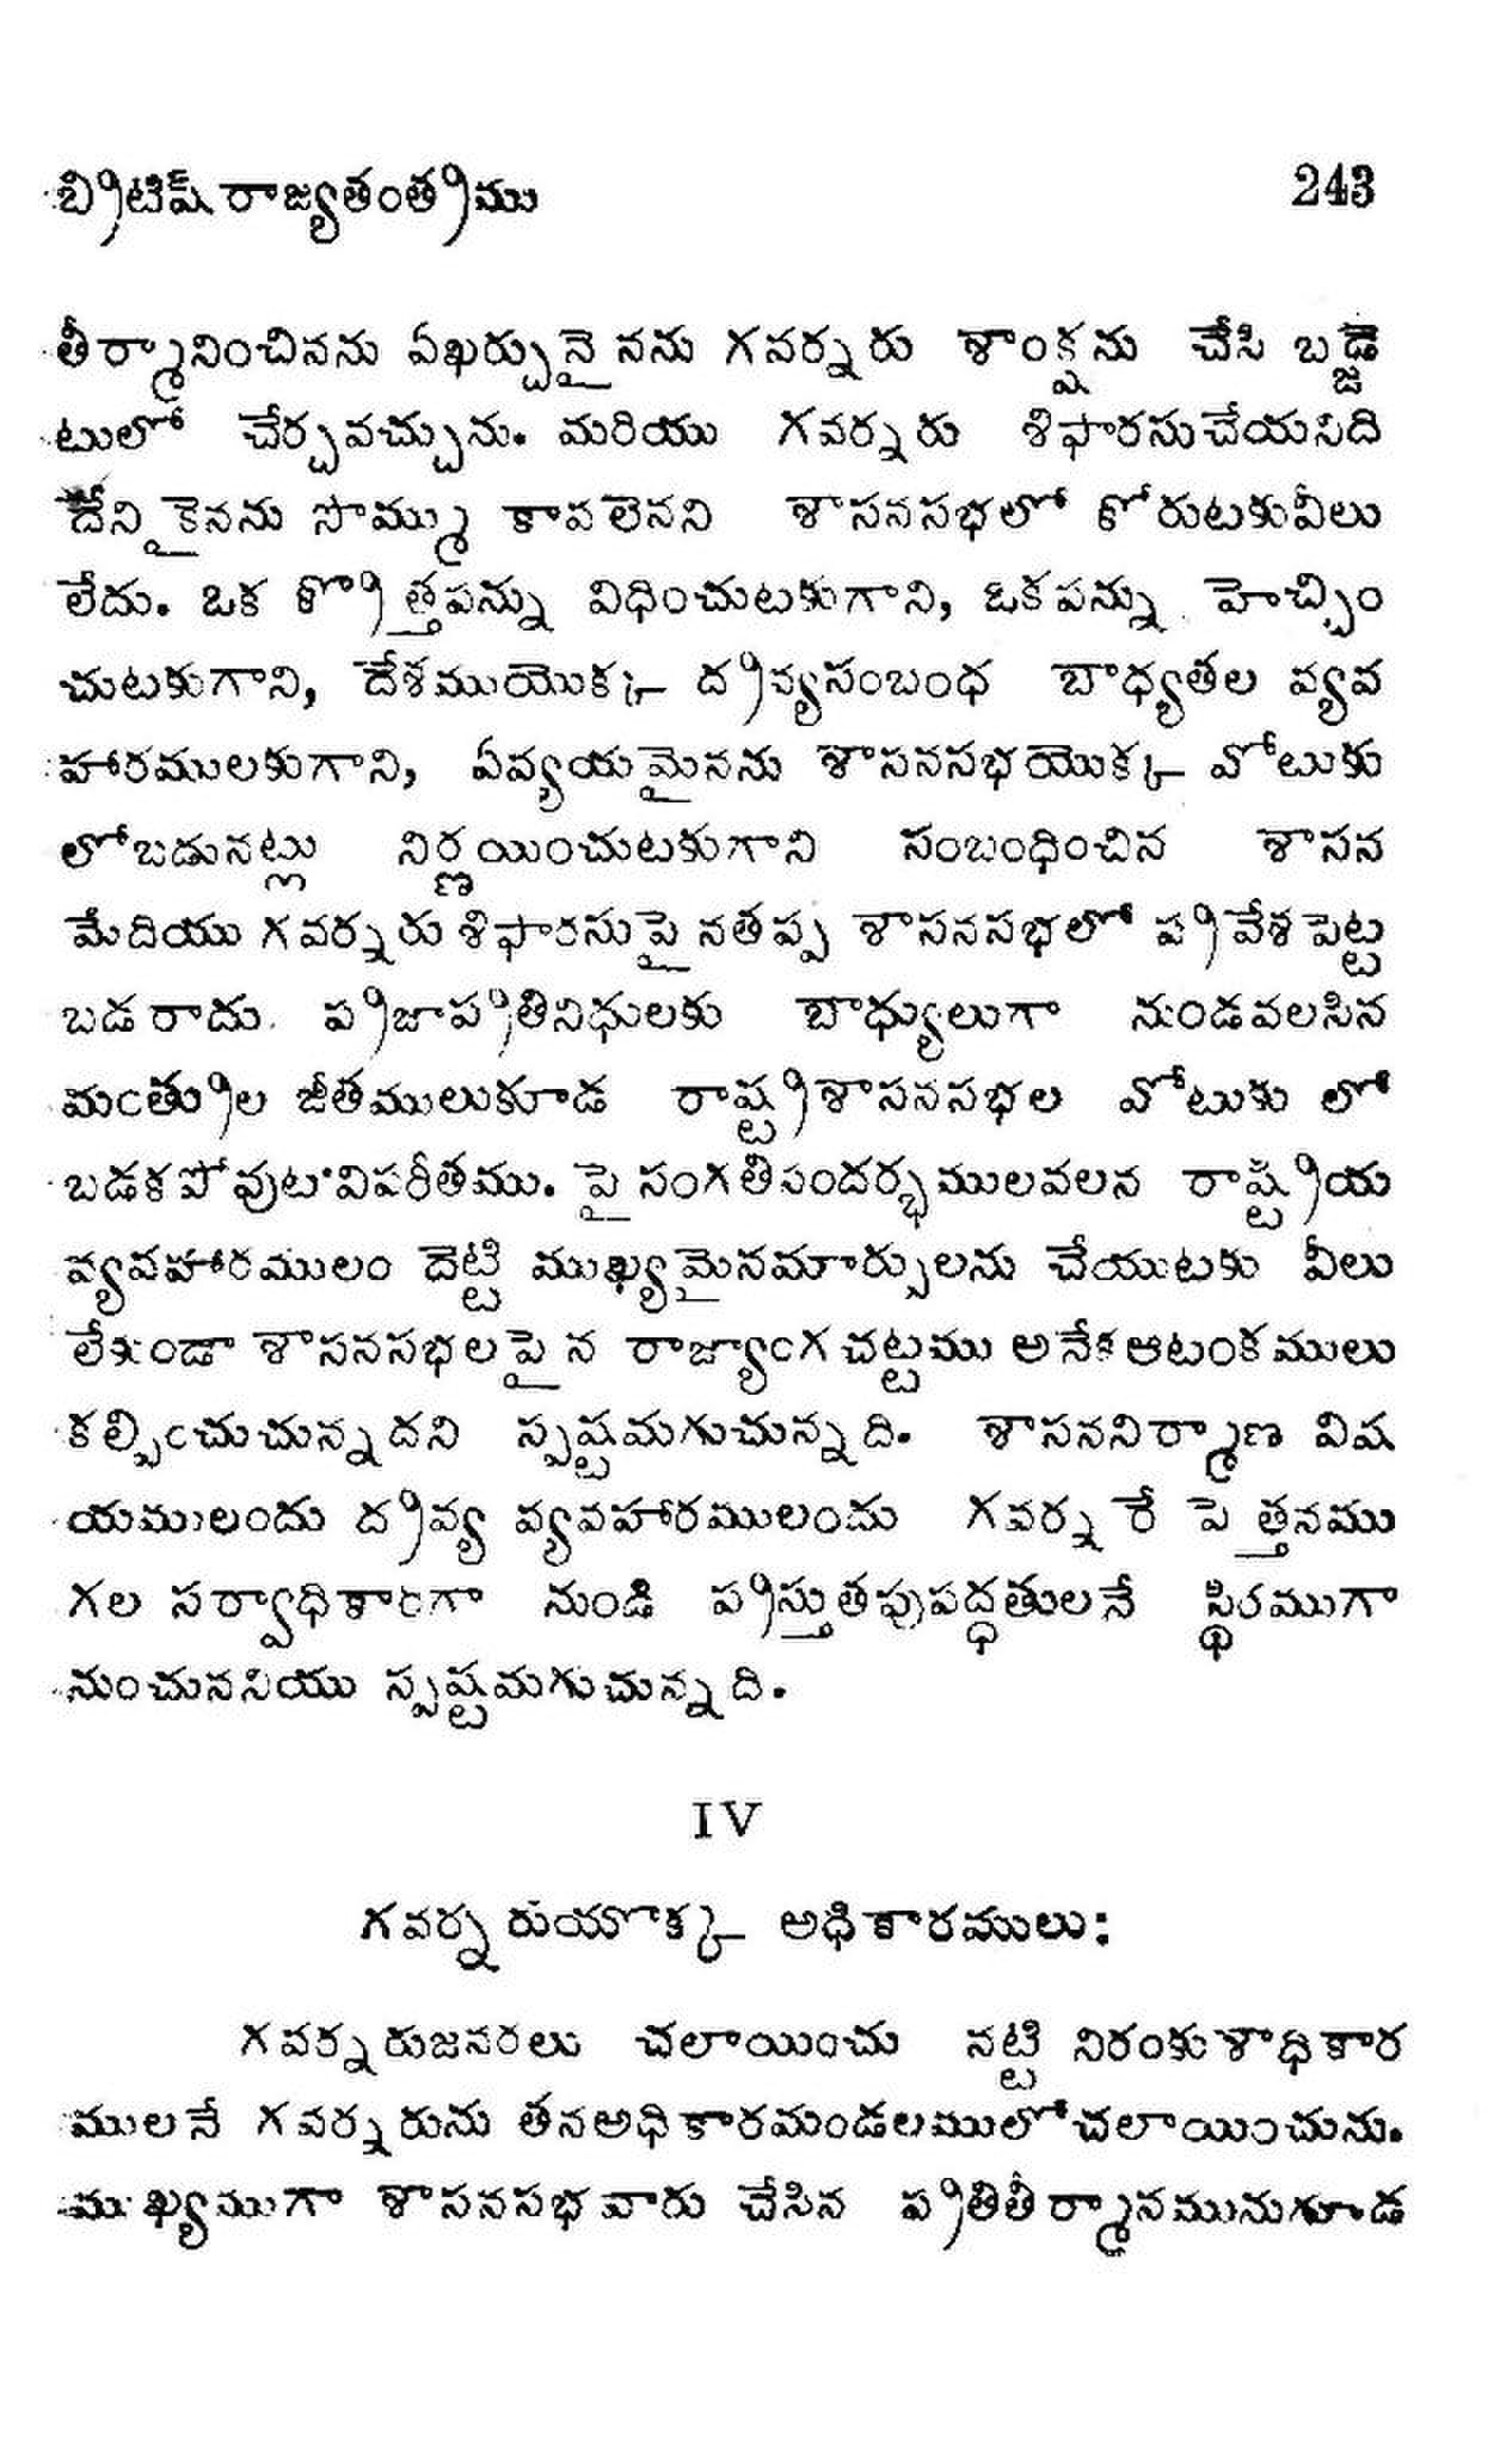తీర్మానించినను ఏఖర్చునైనను గనర్నరు శాంక్షను చేసి బడ్జెటులో చేర్చవచ్చును. మరియు గవర్నరు శిఫారసు చేయనిది దేనికైనను సొమ్ము కావలెనని శాసనసభలో కోరుటకువీలులేదు. ఒక క్రొత్తపన్ను విధించుటకుగాని, ఒకపన్ను హెచ్చించుటకుగాని, దేశముయొక్క ద్రవ్యసంబంధ బాధ్యతల వ్యవహారములకుగాని, ఏవ్యయమైనను శాసనసభయొక్క వోటుకు లోబడునట్లు నిర్ణయించుటకుగాని సంబంధించిన శాసనమేదియు గవర్నరు శిఫారసుపైనతప్ప శాసనసభలో ప్రవేశపెట్టబడరాదు. ప్రజాప్రతినిధులకు బాధ్యులుగా నుండవలసిన మంత్రుల జీతములుకూడ రాష్ట్రశాసనసభల వోటుకు లోబడకపోవుటవిపరీతము. పైసంగతిసందర్భములవలన రాష్ట్రీయ వ్యవహారములం దెట్టి ముఖ్యమైనమార్పులను చేయుటకు వీలులేకుండా శాసనసభలపైన రాజ్యాంగచట్టము అనేకఆటంకములు కల్బించుచున్నదని స్పష్టమగుచున్నది. శాసననిర్మాణ విషయములందు ద్రవ్య వ్యవహారములందు గవర్నరే పెత్తనము గల సర్వాధికారిగా నుండి ప్రస్తుతపుపద్ధతులనే స్థిరముగా నుంచుననియు స్పష్టమగుచున్నది.

IV
గవర్నరుయక్క అధికారములు: 

గవర్నరుజనరలు చలాయించు నట్టి నిరంకుశాధికారములనే గవర్నరును తనఅధికారమండలములో చలాయించును. ముఖ్యముగా శాసనసభవారు చేసిన ప్రతితీర్మానమునుగూడ